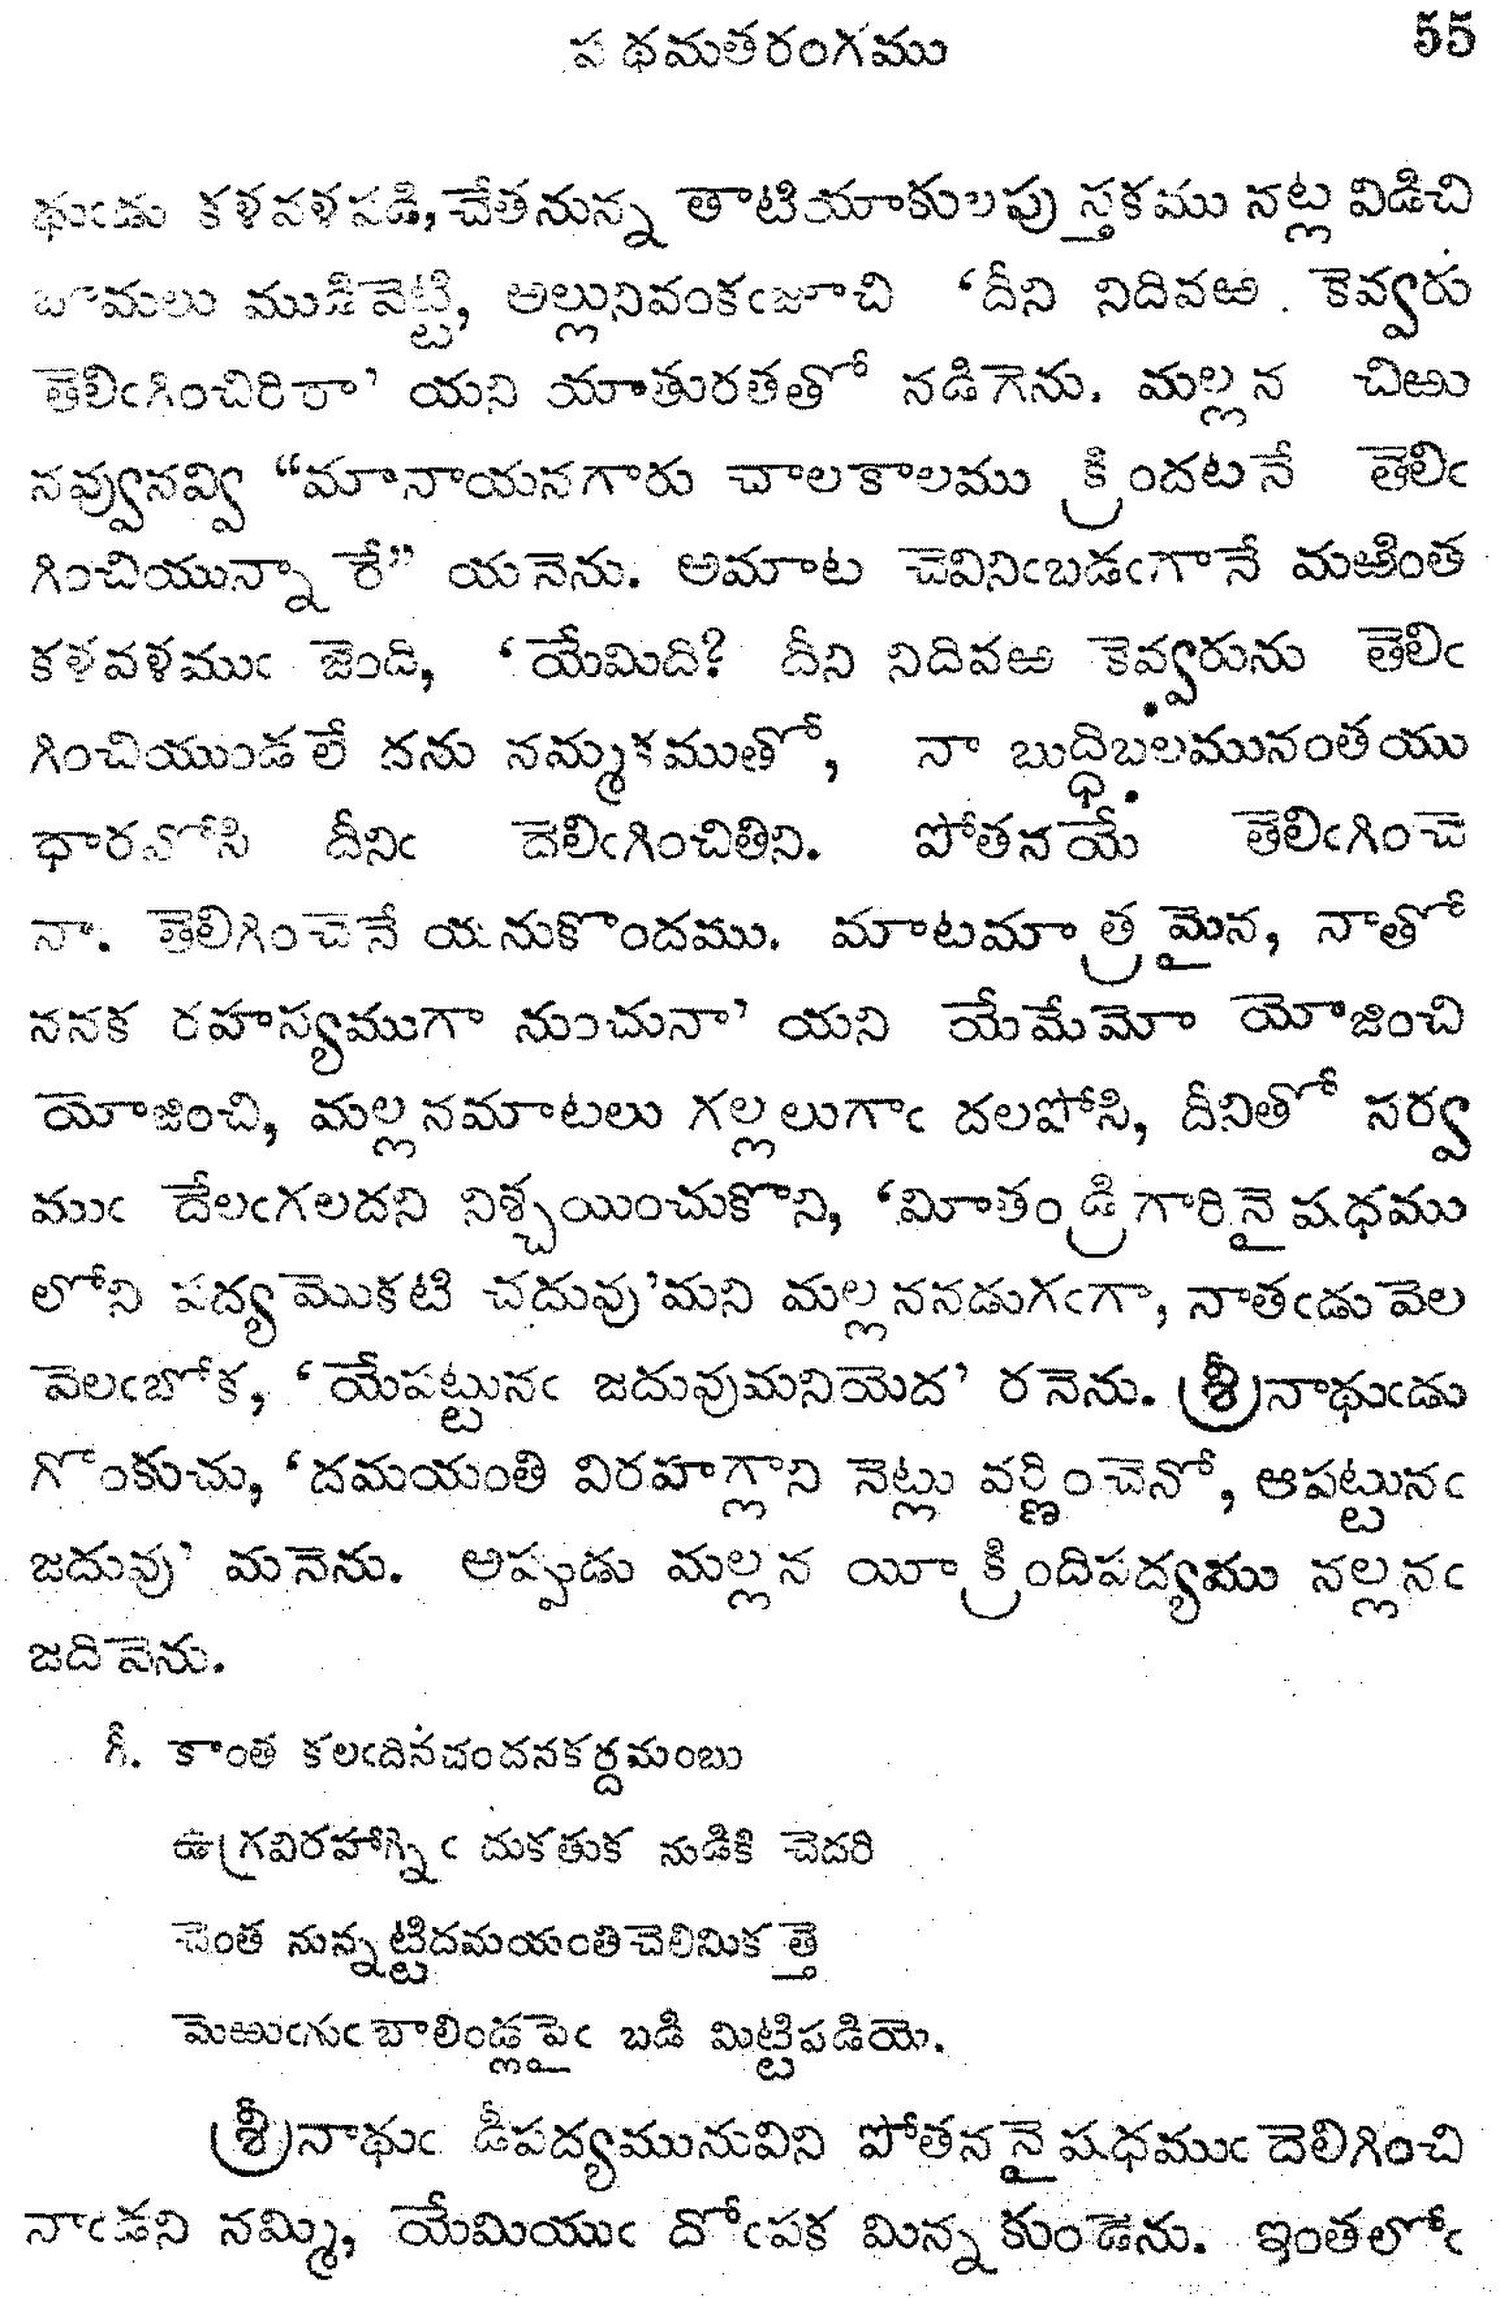థుఁడు కళవళపడి, చేతనున్న తాటియాకులపుస్తకము నట్ల వడిచి బొమలు ముడివెట్టి, అల్లునివంకఁ జూచి ‘దీని నిదివఱ కెవ్వరు తెలిఁగించితిరిరా’యని యాతురతతో నడిగెను. మల్లన చిఱునవ్వు నవ్వి ‘మానాయనగారు చాలకాలము క్రిందటనే తెలిఁగించియున్నరే’ యనెను. ఆమాట చెవినిఁ బడఁగానే మఱింత కళవళముఁ జెంది, ‘యేమిది? దీని నిదివఱ కెవ్వరును తెలిఁగించియుండలే దనునమ్మకముతే, నా బుద్ధిబలమునంతయు ధారవోసి దీనిఁ దెలిఁగించితిని. పోతనయే తెలిఁగించెనా. తెలిగించెనే యనుకొందము. మాటమాత్రమైన, నాతో ననక రహస్యముగా నుంచునా’ అని యేమేమో యోజించి యోజించి, మల్లనమాటలు గల్లలుగాఁ దలపోసి, దీనితో సర్వముఁ దేలఁగలదని నిశ్చయించుకొని, ‘మీతండ్రిగారినైషధములోని పద్యమొకటి చదువు’మని మల్లన నడుగఁగా, నాతఁడు వెలవెలఁబోక, ‘యేపట్టునఁ జదువుమనియెద’ రనెను. శ్రీనాథుఁడు గొంకుచు, ‘దయయంతి విరహగ్లాని నెట్లు వర్ణించెనో, ఆపట్టునఁ జదువు’ మనెను. అప్పుడు మల్లన యీక్రిందిపద్యము నల్లనఁ జదివెను.

గీ. కాంత కలఁదిన చందనకర్దమంబు
 ఉగ్రవిరహాగ్నిఁ దుకతుక నుడికి చెదరి
 చెంత నున్నట్టి దమయంతి చెలిమికత్తె
 మెఱుఁగుఁబాలిండ్లపైఁ బడి మిట్టిపడియె.

శ్రీనాథుఁ డీపద్యమును విని పోతన నైషధముఁ దెలిగించినాఁడని నమ్మి, యేమియుఁ దోఁపక మిన్నకుండెను. ఇంతలోఁ